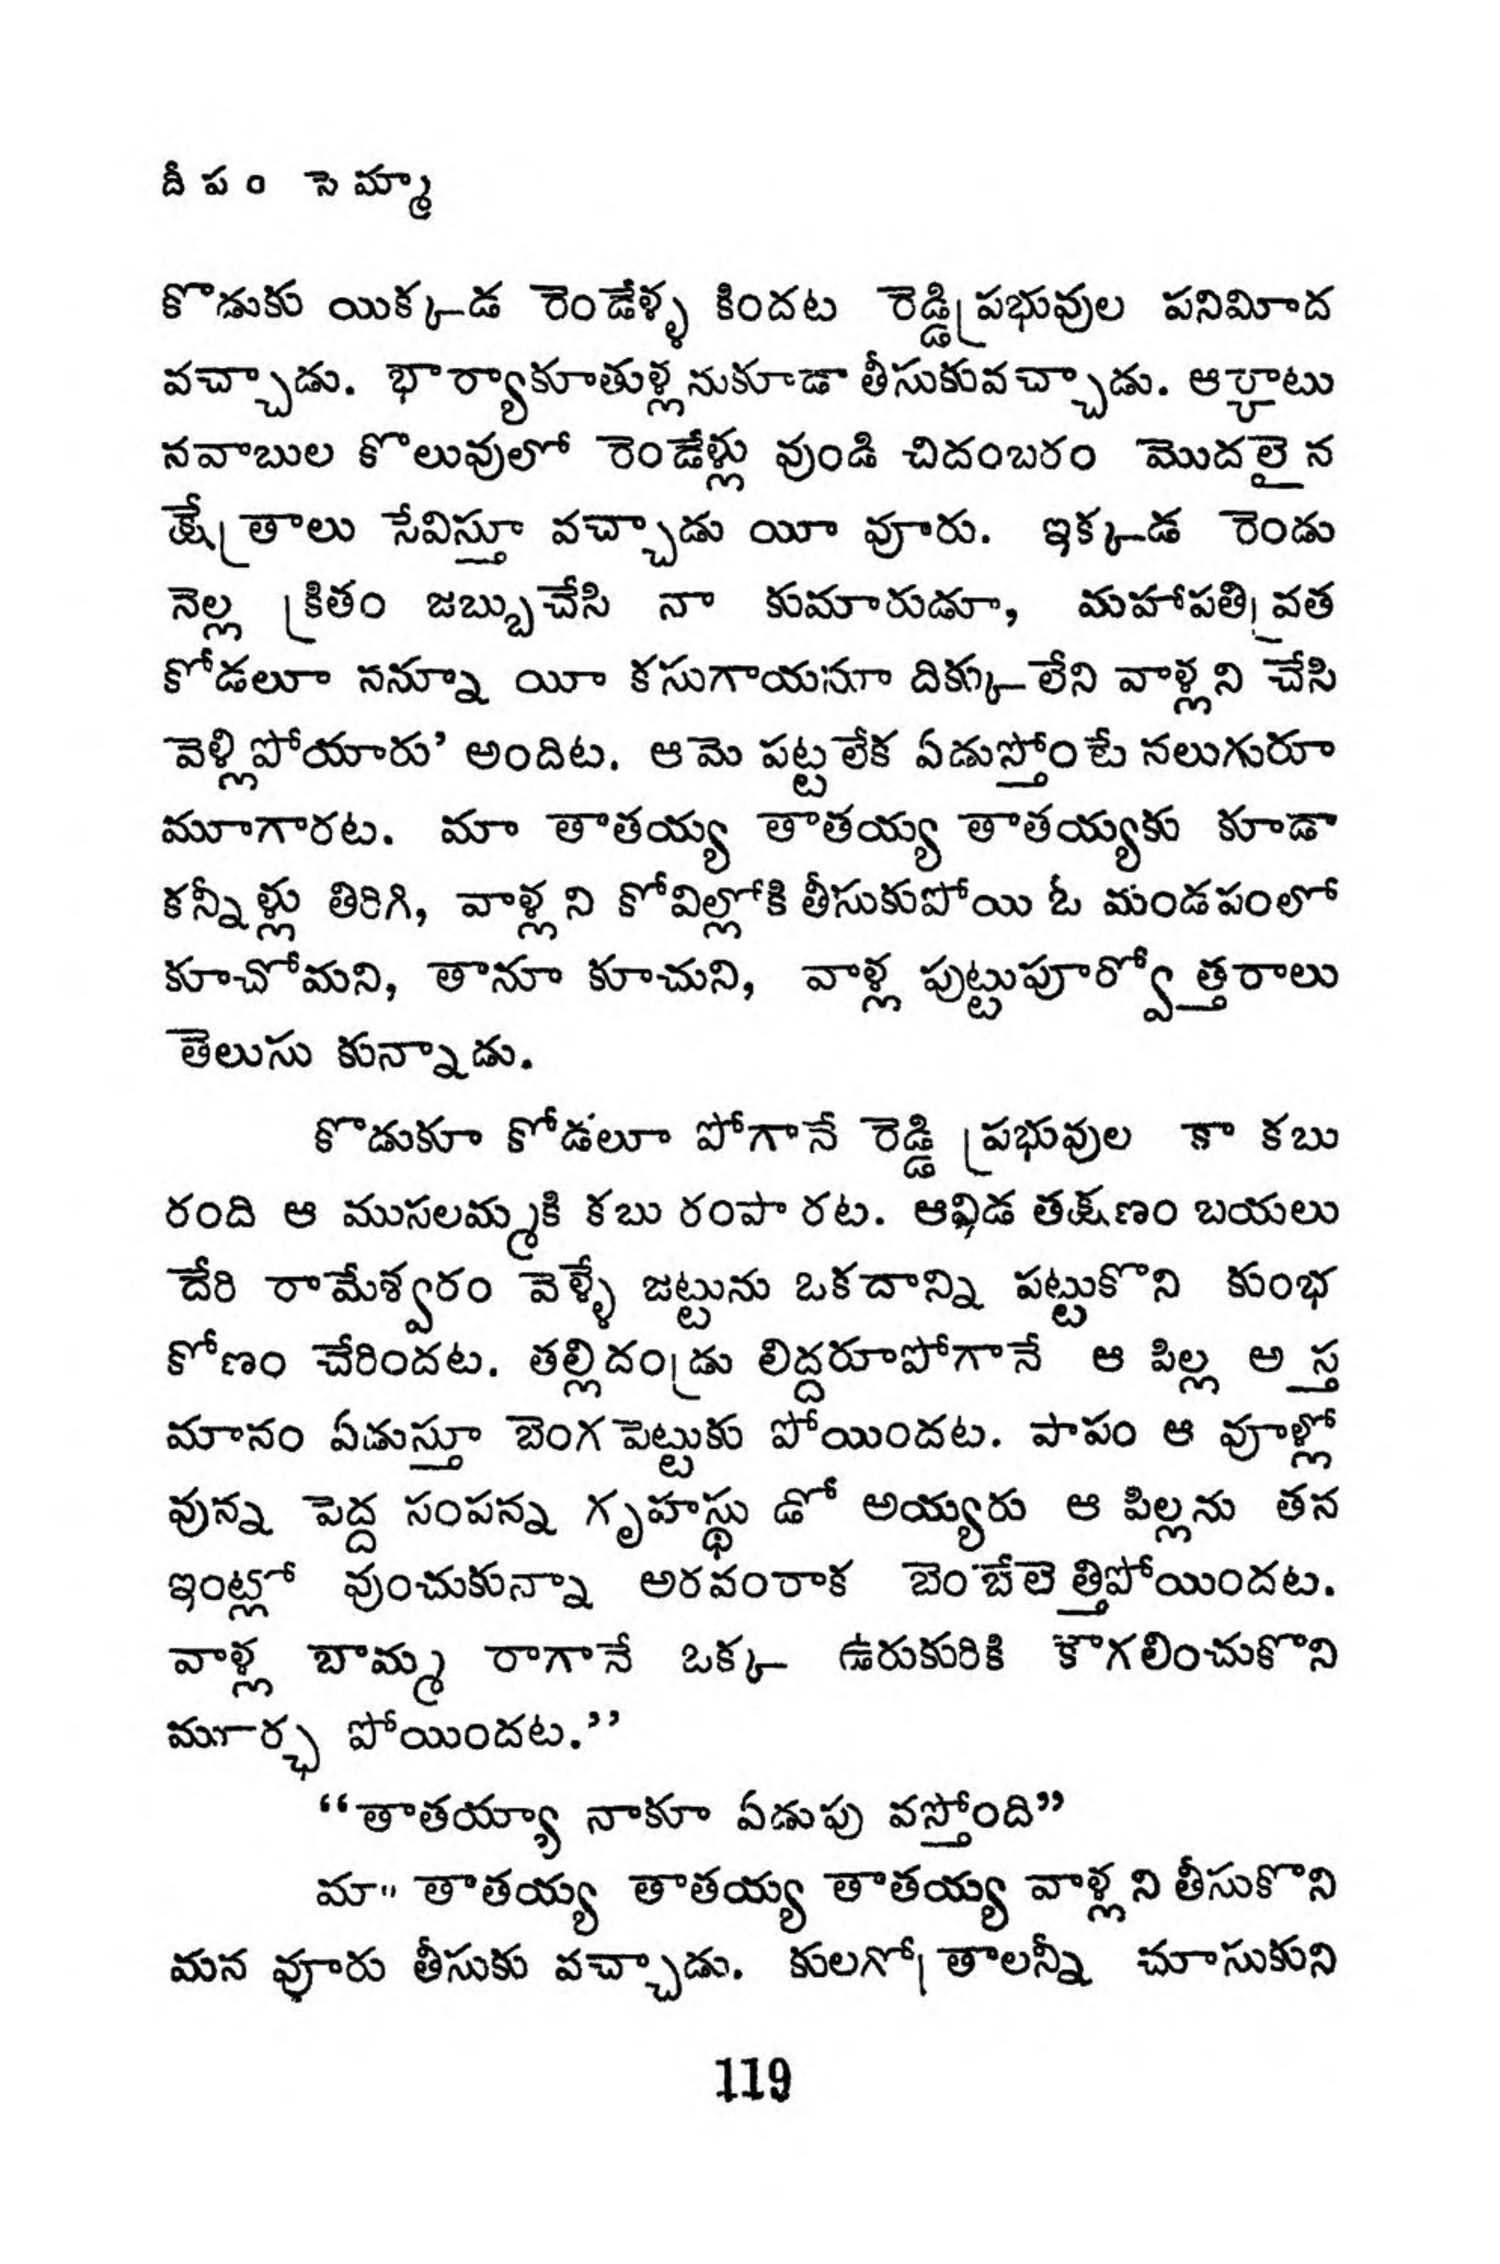కొడుకు యిక్కడ రెండేళ్ళ కిందట రెడ్డిప్రభువుల పనిమీద వచ్చాడు. భార్యాకూతుళ్లనుకూడా తీసుకువచ్చాడు. ఆర్కాటు నవాబుల కొలువులో రెండేళ్లు వుండి చిదంబరం మొదలైన క్షేత్రాలు సేవిస్తూ వచ్చాడు యీ వూరు. ఇక్కడ రెండు నెల్ల క్రితం జబ్బుచేసి నా కుమారుడూ, మహాపతివ్రత కోడలూ నన్నూ యీ కసుగాయసూ దిక్కులేని వాళ్లని చేసి వెళ్లిపోయారు' అందిట. ఆమె పట్టలేక ఏడుస్తుంటే నలుగురూ మూగారట. మా తాతయ్య తాతయ్య తాతయ్యకు కూడా కన్నీళ్లు తిరిగి, వాళ్లని కోవిల్లోకి తీసుకుపోయి ఓ మండపంలో కూచోమని, తానూ కూచుని, వాళ్ల పుట్టుపూర్వోత్తరాలు తెలుసుకున్నాడు.

కొడుకూ కోడలూ పోగానే రెడ్డి ప్రభువుల కా కబురంది ఆ ముసలమ్మకి కబు రంపా రట. ఆవిడ తక్షణం బయలుదేరి రామేశ్వరం వెళ్ళే జట్టును ఒకదాన్ని పట్టుకొని కుంభకోణం చేరిందట. తల్లిదండ్రు లిద్దరూపోగానే ఆ పిల్ల అస్తమానం ఏడుస్తూ బెంగపెట్టుకు పోయిందట. పాపం ఆ వూళ్లో వున్న పెద్ద సంపన్న గృహస్థు డో అయ్యరు ఆ పిల్లను తన ఇంట్లో వుంచుకున్నా అరవంరాక బెంబేలెత్తిపోయిందట. వాళ్ల బామ్మ రాగానే ఒక్క ఉరుకురికి కౌగలించుకొని మూర్ఛ పోయిందట."

"తాతయ్యా నాకూ ఏడుపు వస్తోంది"

మా తాతయ్య తాతయ్య తాతయ్య వాళ్లనితీసుకొని మన వూరు తీసుకు వచ్చాడు. కులగోత్రాలన్నీ చూసుకుని